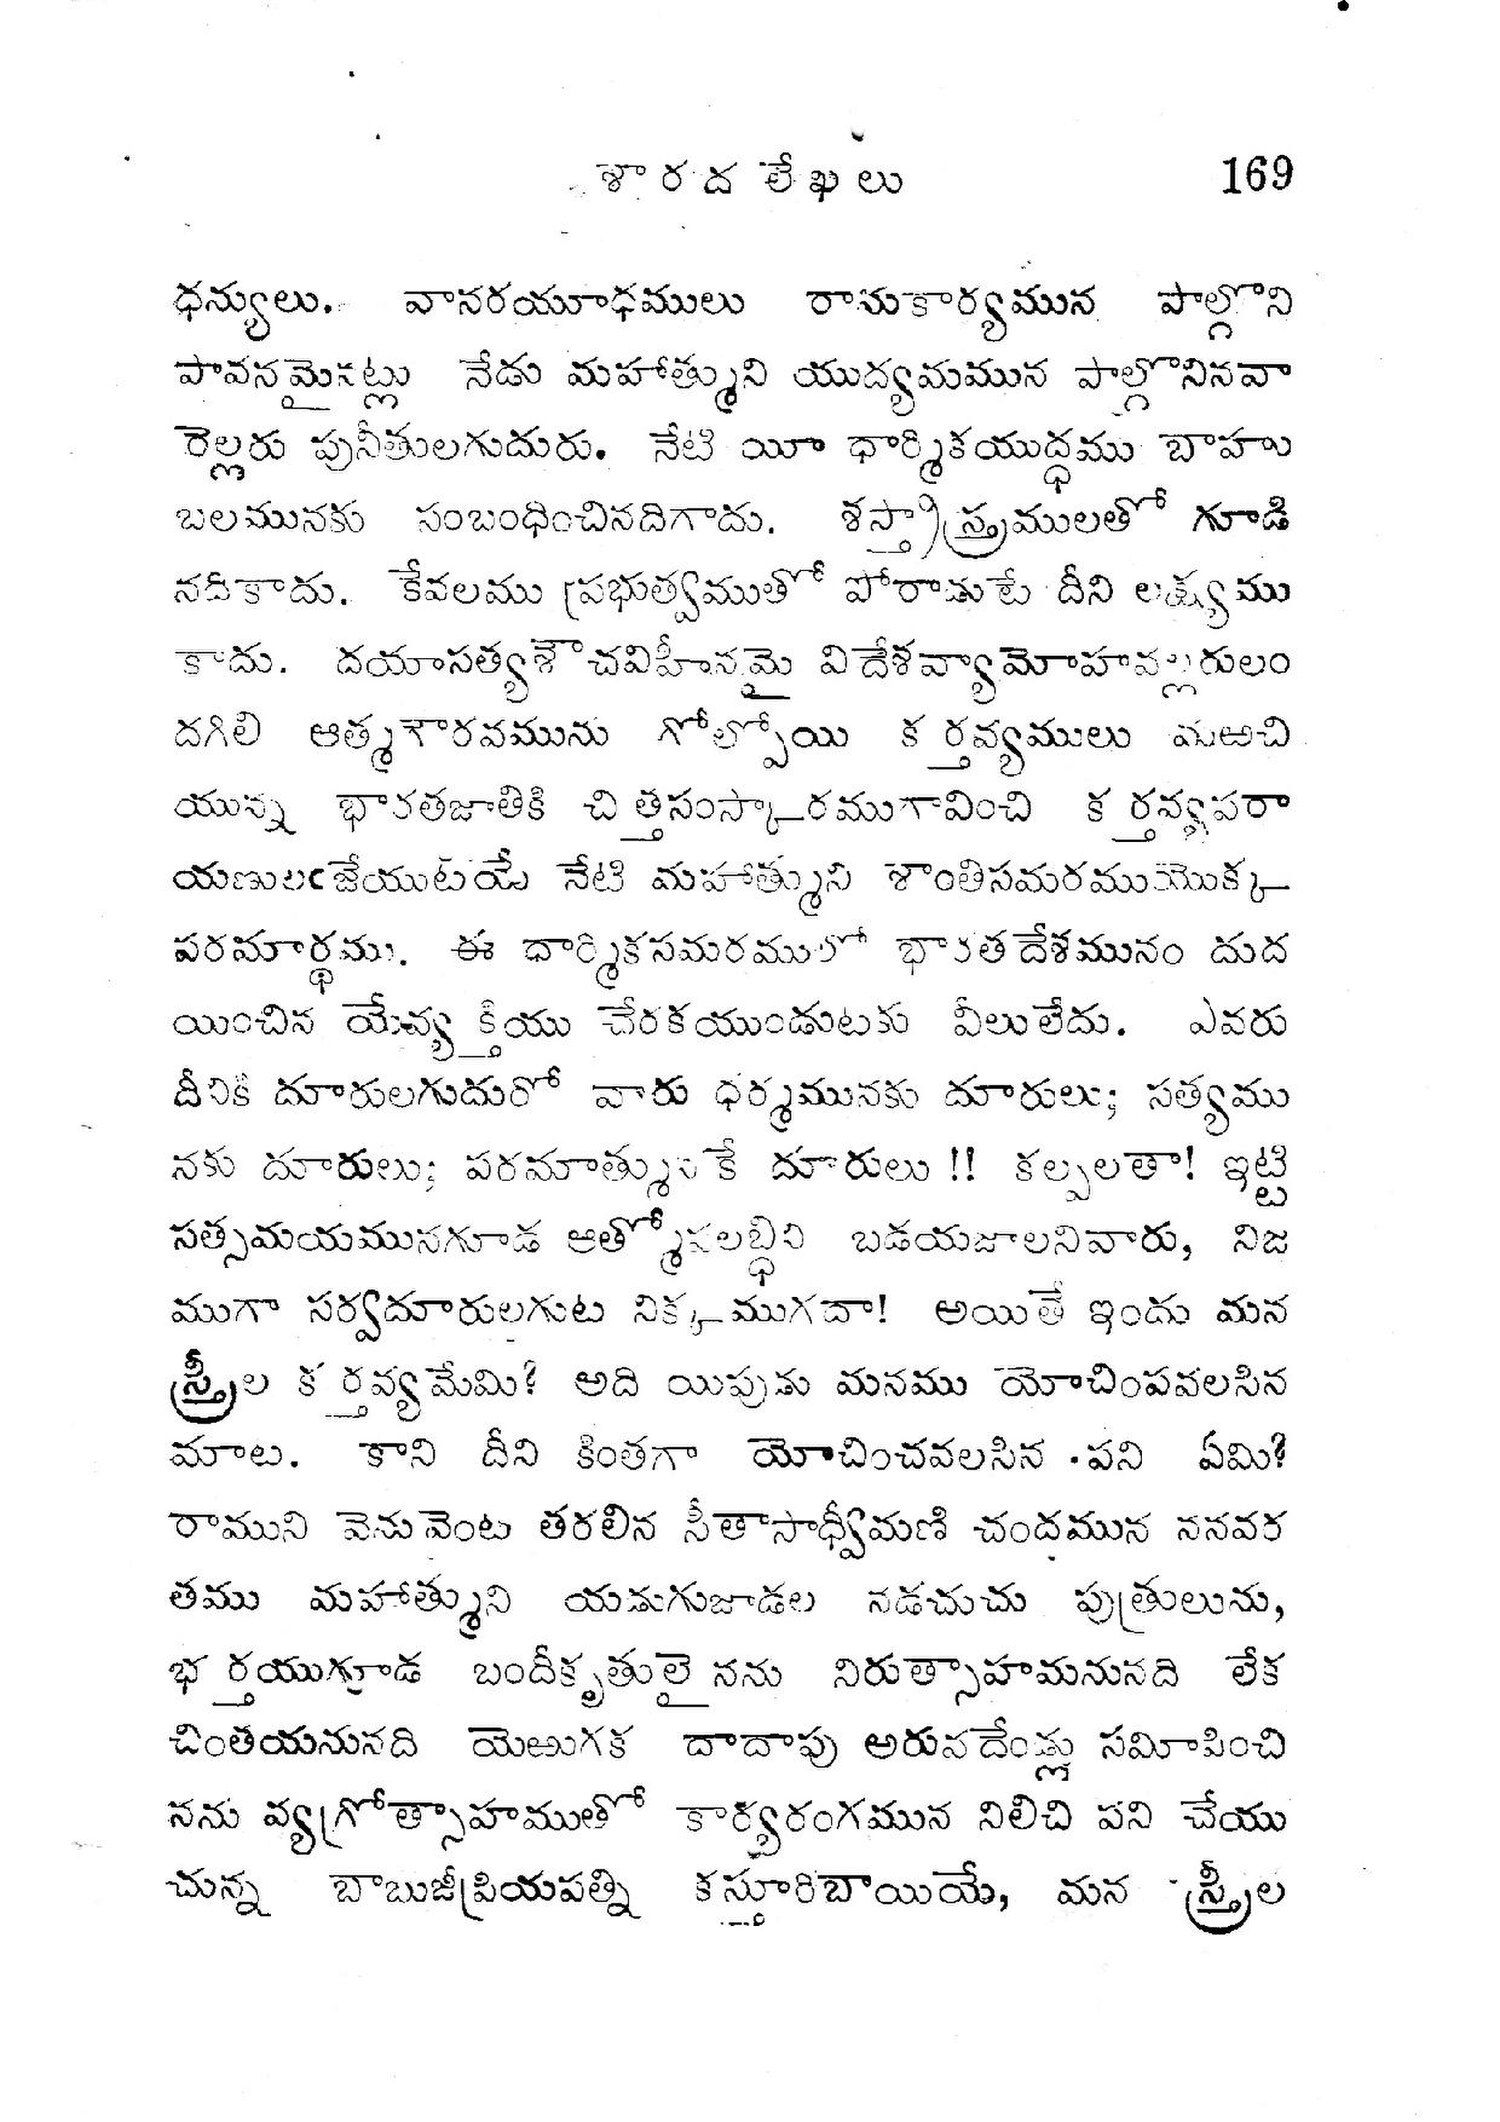ధన్యులు. వానరయూధములు రామకార్యమున పాల్గొని పావనమైనట్లు నేడు మహాత్ముని యుద్యమమున పాల్గొనినవారెల్లరు పునీతులగుదురు. నేటి యీ ధార్మికయుద్ధము బాహుబలమునకు సంబంధించినదిగాదు. శస్త్రాస్త్రములతో గూడినదికాదు. కేవలము ప్రభుత్వముతో పోరాడుటే దీని లక్ష్యముకాదు. దయాసత్యశౌచవిహీనమై విదేశవ్యామోహవల్లరులం దగిలి ఆత్మగౌరవమును గోల్పోయి కర్తవ్యములు మఱచి
యున్న భారతజాతికి చిత్తసంస్కారముగావించి కర్తవ్యపరాయణులఁజేయుటయే నేటి మహాత్ముని శాంతిసమరముయొక్క పరమార్థము. ఈ ధార్మికసమరములో భారతదేశమునం దుదయించిన యేవ్యక్తియు చేరకయుండుటకు వీలులేదు. ఎవరు దీనికి దూరులగుదురో వారు ధర్మమునకు దూరులు; సత్యమునకు దూరులు; పరమాత్మునకే దూరులు!! కల్పలతా! ఇట్టి సత్సమయముసగూడ ఆత్మోపలబ్ధిని బడయజాలనివారు, నిజముగా సర్వదూరులగుట నిక్కముగదా! అయితే ఇందు మన స్త్రీల కర్తవ్యమేమి? అది యిపుడు మనము యోచింపవలసిన మాట. కాని దీని కింతగా యోచించవలసిన పని ఏమి?
రాముని వెనువెంట తరలిన సీతాసాధ్వీమణి చందమున ననవరతము మహాత్ముని యడుగుజాడల నడచుచు పుత్రులును, భర్తయుగూడ బందీకృతులైనను నిరుత్సాహమనునది లేక చింతయనునది యెఱుగక దాదాపు అరువదేండ్లు సమీపించినను వ్యగ్రోత్సాహముతో కార్యరంగమున నిలిచి పని చేయుచున్న బాబుజీప్రియపత్ని కస్తూరిబాయియే, మన స్త్రీల